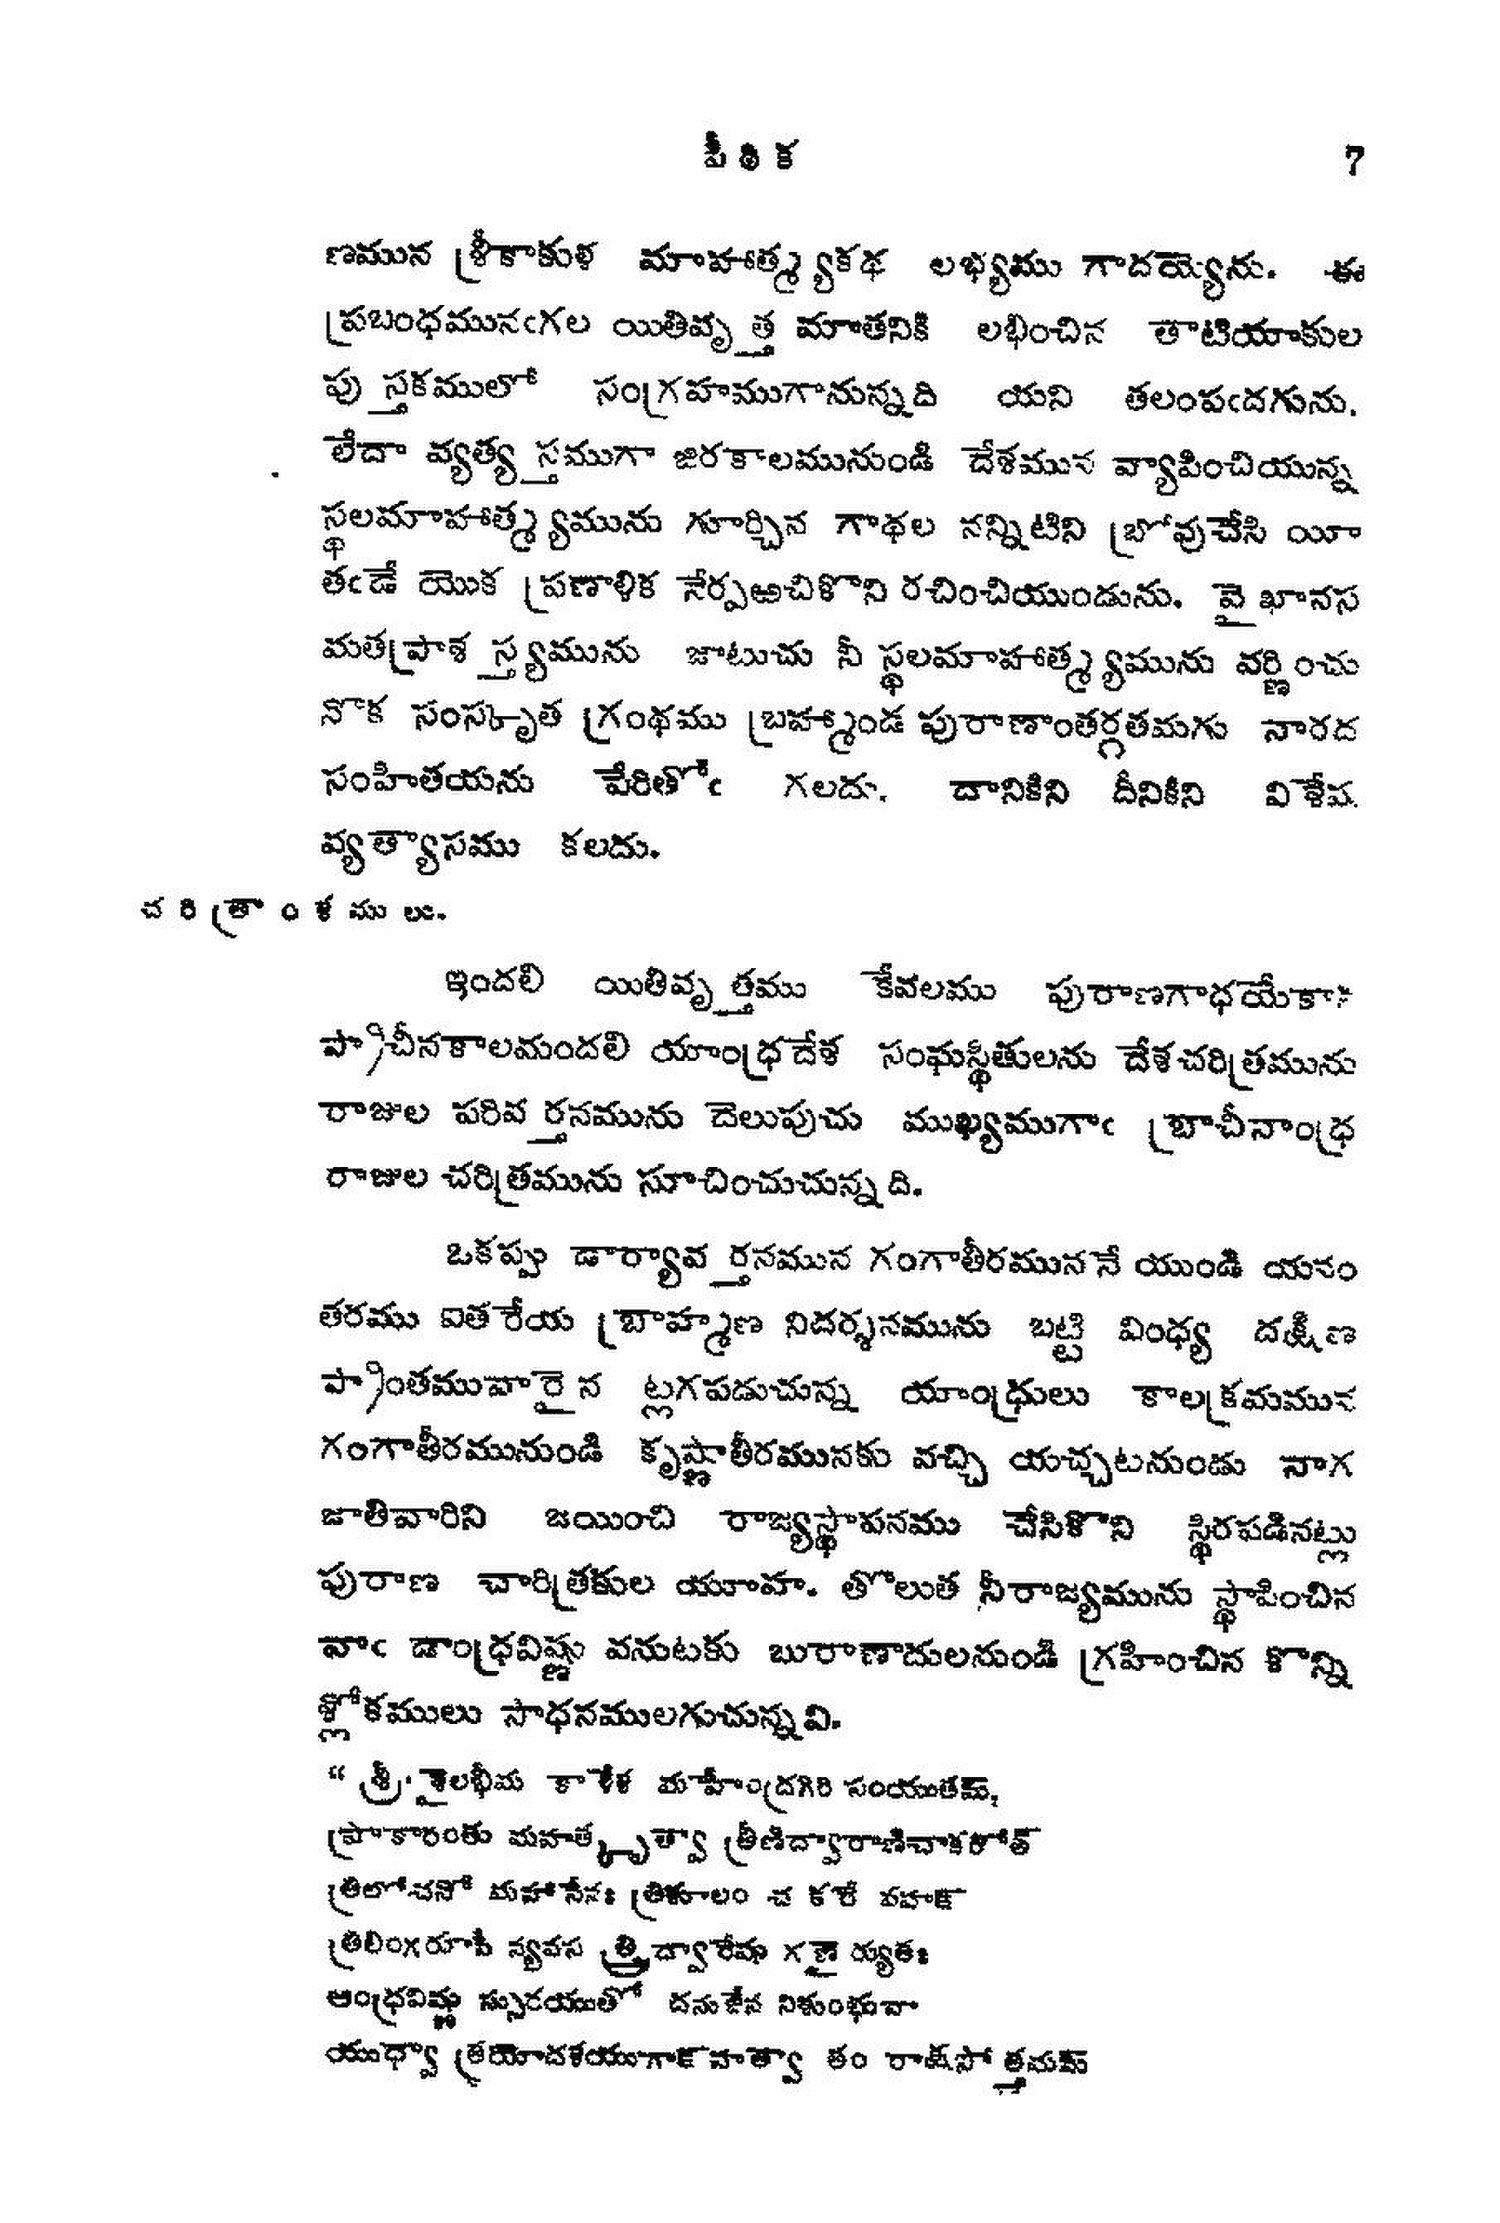ణమున శ్రీకాకుళ మాహాత్మ్యకథ లభ్యము గాదయ్యెను. ఈ ప్రబంధమునఁగల యితివృత్త మాతనికి లభించిన తాటియాకుల
పుస్తకములో సంగ్రహముగానున్నది. యని తలంపఁదగును, లేదా వ్యత్య స్తముగా జిరకాలమునుండి దేశమున వ్యాపించి యున్న స్థలమాహాత్మ్యమును గూర్చిన గాథల నన్నిటిని బ్రోవుచేసి యీతఁడే యొక ప్రణాళిక నేర్పఱచికొని రచించి యుండును. వైఖానస మతప్రాశస్త్యమును జాటుచు నీ స్థలమాహాత్మ్యమును వర్ణించు నొక సంస్కృత గ్రంథము బ్రహ్మాండ పురాణాంతర్గతమగు నారద సంహితయను పేరితొఁ గలదు. దానికిని దీనికిని విశేష వ్యత్యాసము కలదు.

చరిత్రాంశములు 

ఇందలి యితివృత్తము కేవలము పురాణగాధ యేకాక ప్రాచీనకాలమండలి యాంధ్రదేశ సంఘస్థితులను దేశ చరిత్రమును
రాజుల పరివర్తనమును దెలుపుచు ముఖ్యముగాఁ బ్రాచీనాంధ్ర రాజుల చరిత్రమును సూచించుచున్నది.

ఒకప్పు డార్యావర్తనమున గంగాతీరముననే యుండి యనంతరము ఐతరేయ బ్రాహ్మణ నిదర్శనమును బట్టి వింధ్య దక్షిణ
ప్రాంతమువారైన ట్లగపడుచున్న యాంధ్రులు కాలక్రమమున గంగాతీరమునుండి కృష్ణాతీరమునకు వచ్చి యచ్చటనుండు నాగజాతివారిని జయించి రాజ్యస్థాపనము చేసికొని స్థిరపడినట్లు పురాణ చారిత్రకుల యూహ. తొలుత నీ రాజ్యమును స్థాపించిన వాఁ డాంధ్రవిష్ణు వనుటకు బురాణాదులనుండి గ్రహించిన కొన్ని శ్లోకములు సాధనములగుచున్నవి.

శ్రీ శైల భీమ కాళేళ మహేంద్రగిరి సంయుతమ్.
ప్రాకారంతు మహత్కృత్వా త్రీణిద్వారాణి చాకరోత్
త్రిలోచనో మహాసేనః త్రికూలం చ కరే వహన్
త్రిలింగ రూపీ వ్యవస త్రి ద్వారేషు గణైర్యుతః
ఆంధ్రవిష్ణు స్పురయుతో దనుజేన నిశుంభువా
యుధ్ధ్వా త్రయోదశయు గాన్ హత్వా తం రాక్షసొత్తమమ్